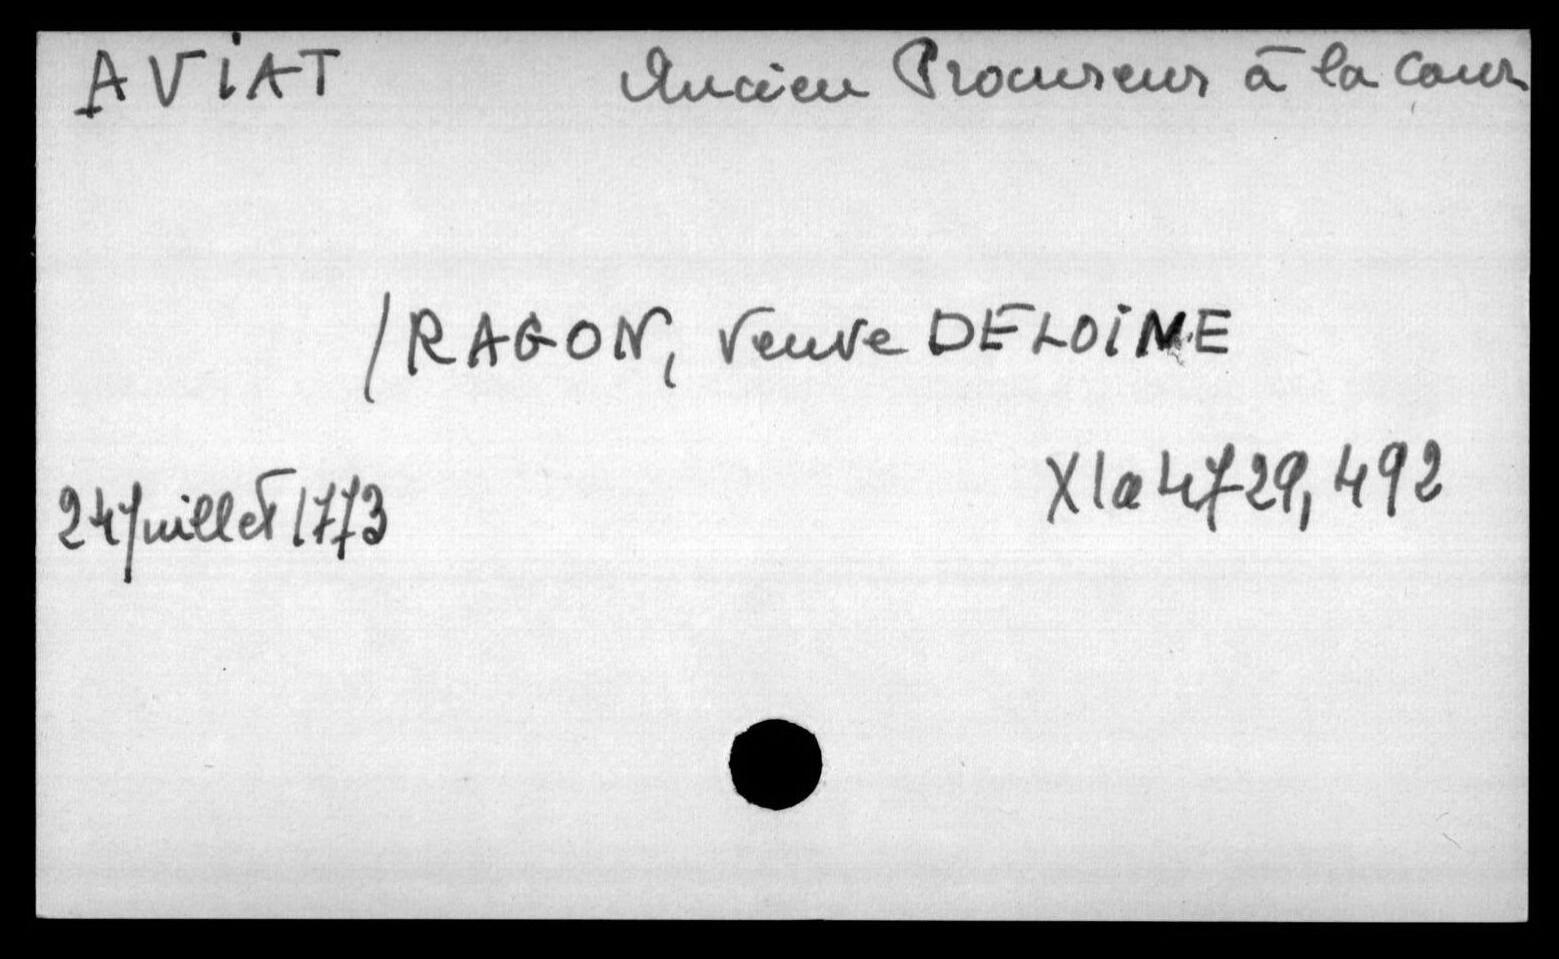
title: AVIAT Ancien Procureur à la cour
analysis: Contre RAGON, Veuve DELOINE
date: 24 juillet 1773
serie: X1a
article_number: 4729
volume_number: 492
